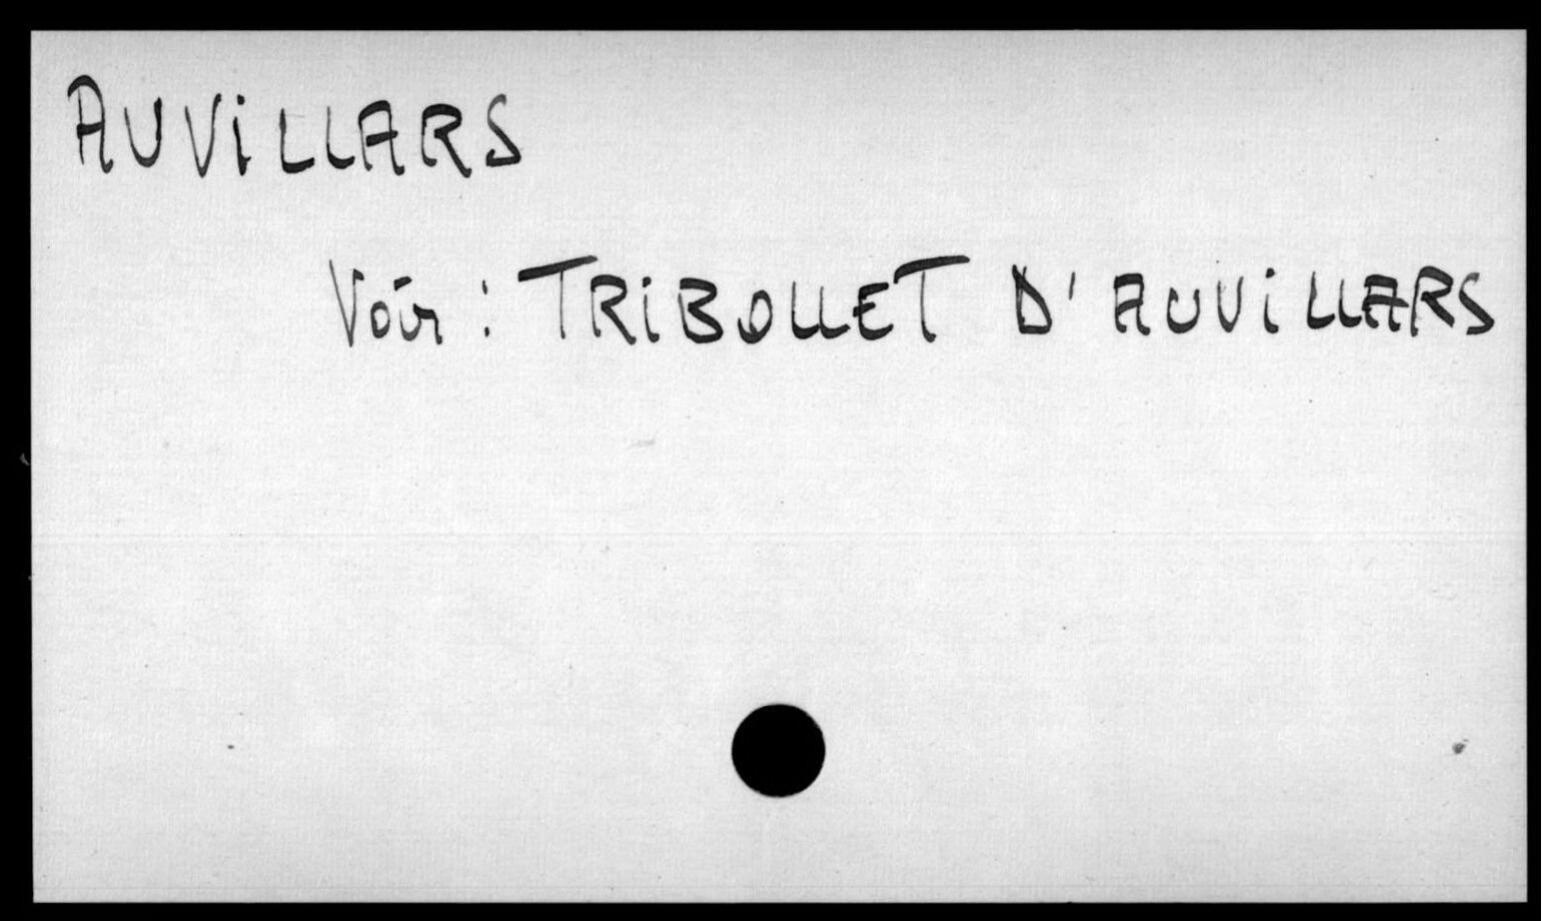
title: AUVILLARS
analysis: Voir : TRIBOLLET D'AUVILLARS
